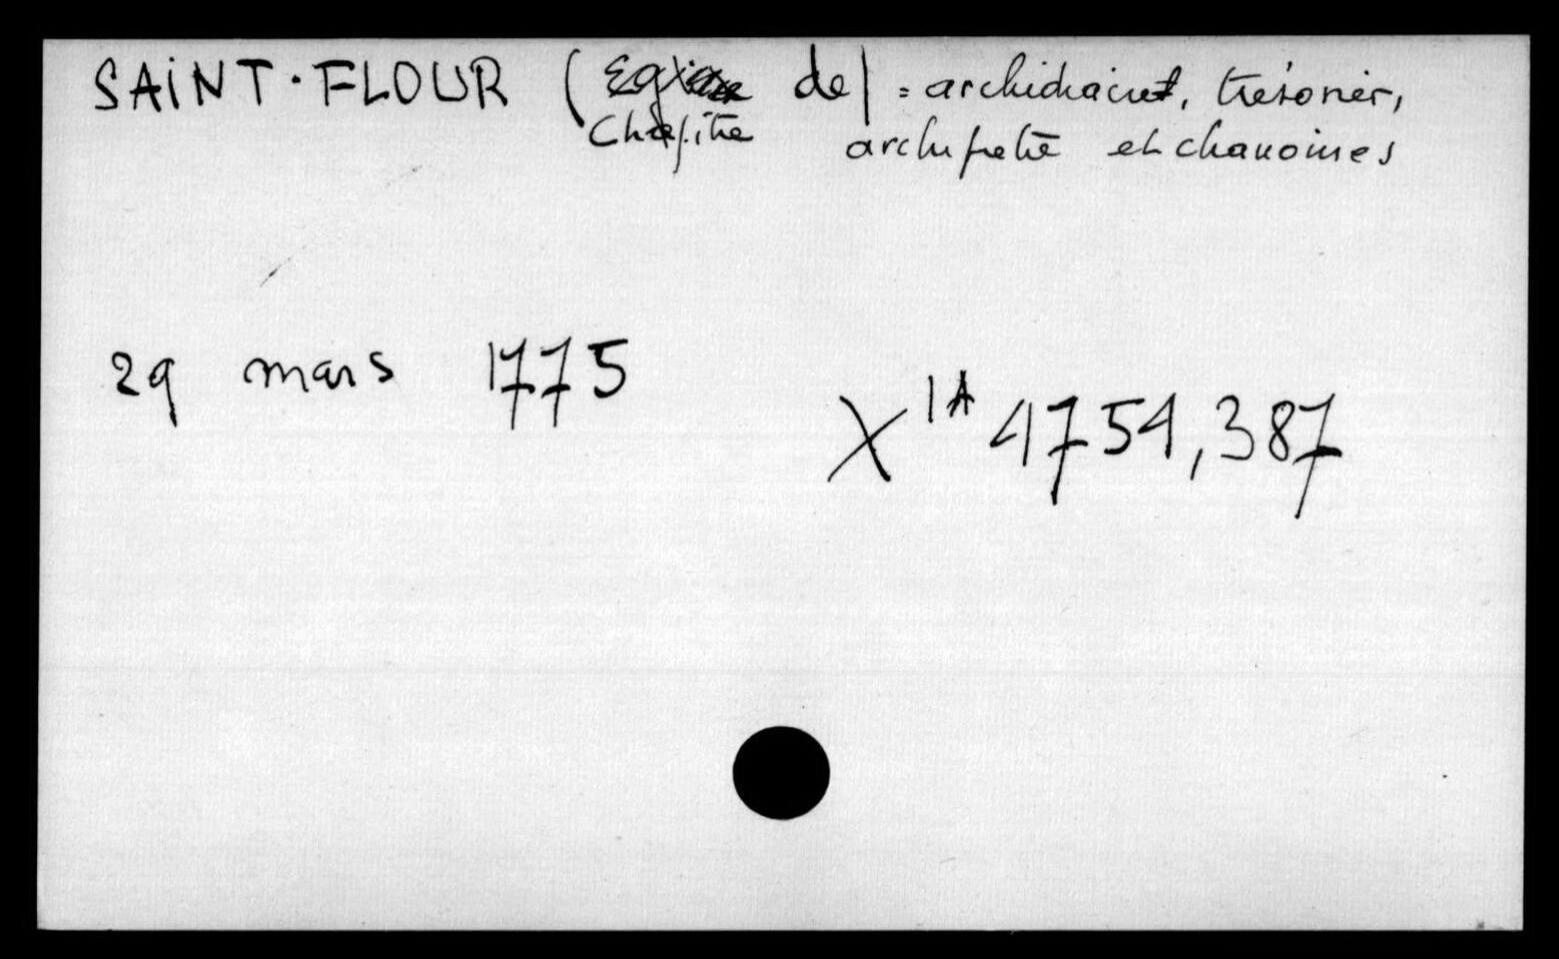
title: SAINT-FLOUR (Chapitre de) archidiacre, trésorier, archiprêtre et chanoines
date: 29 mars 1775
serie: X1A
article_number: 4754
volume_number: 387
